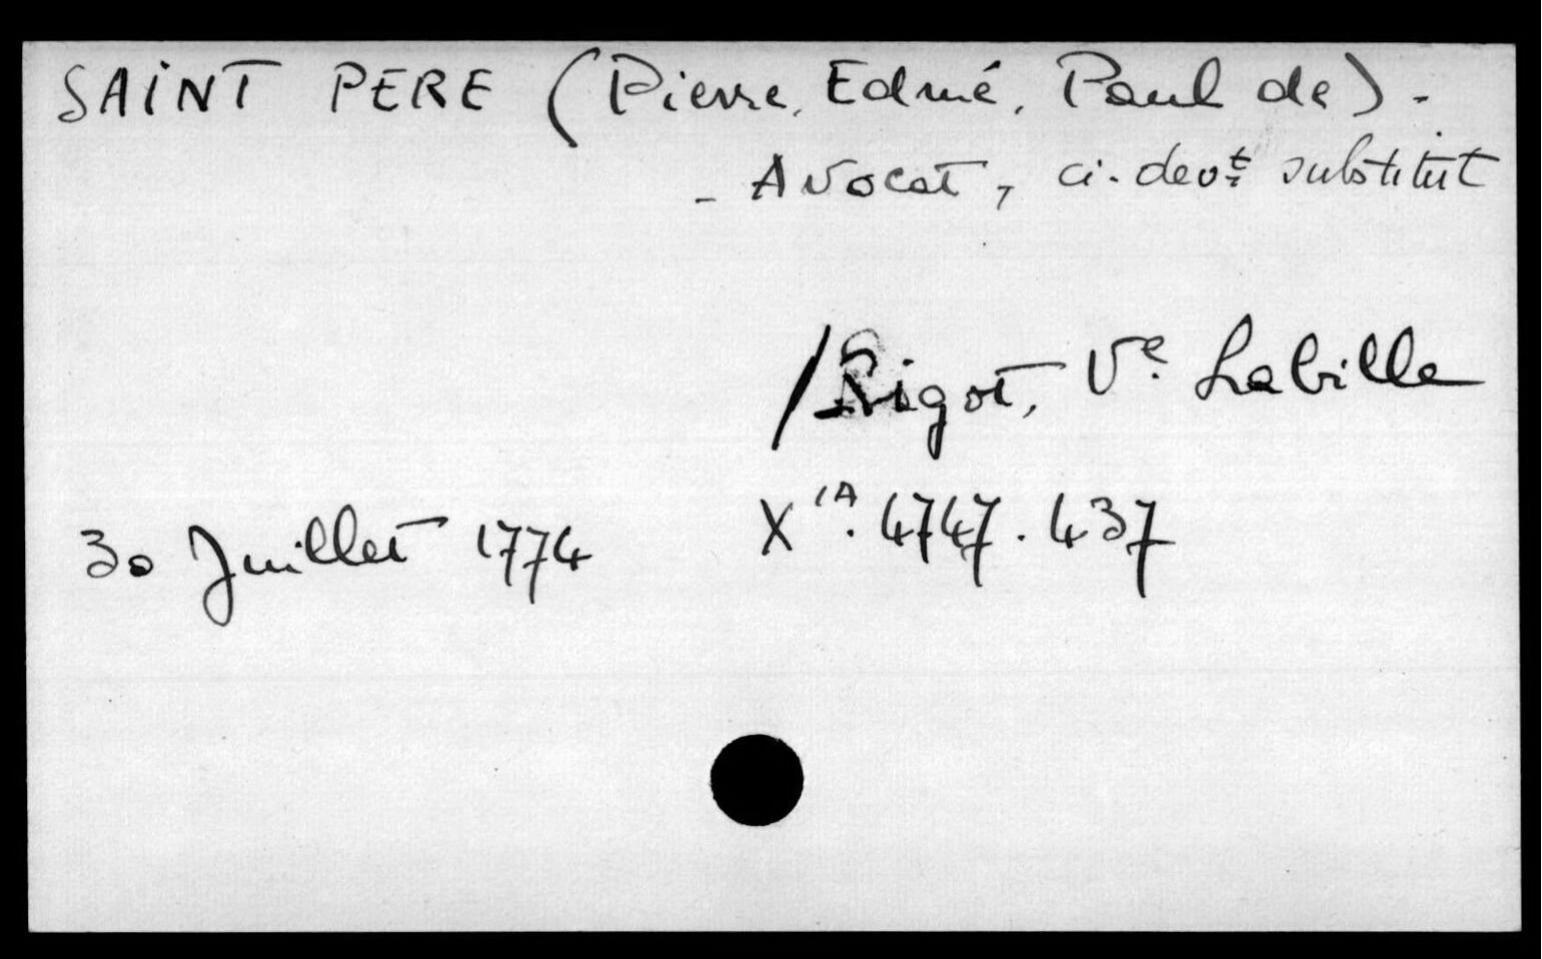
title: SAINT PERE (Pierre, Edmé, Paul de) - Avocat ci-devant substitut
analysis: Contre Rigot, veuve Labille
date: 30 juillet 1774
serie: X1A
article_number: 4747
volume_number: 437
